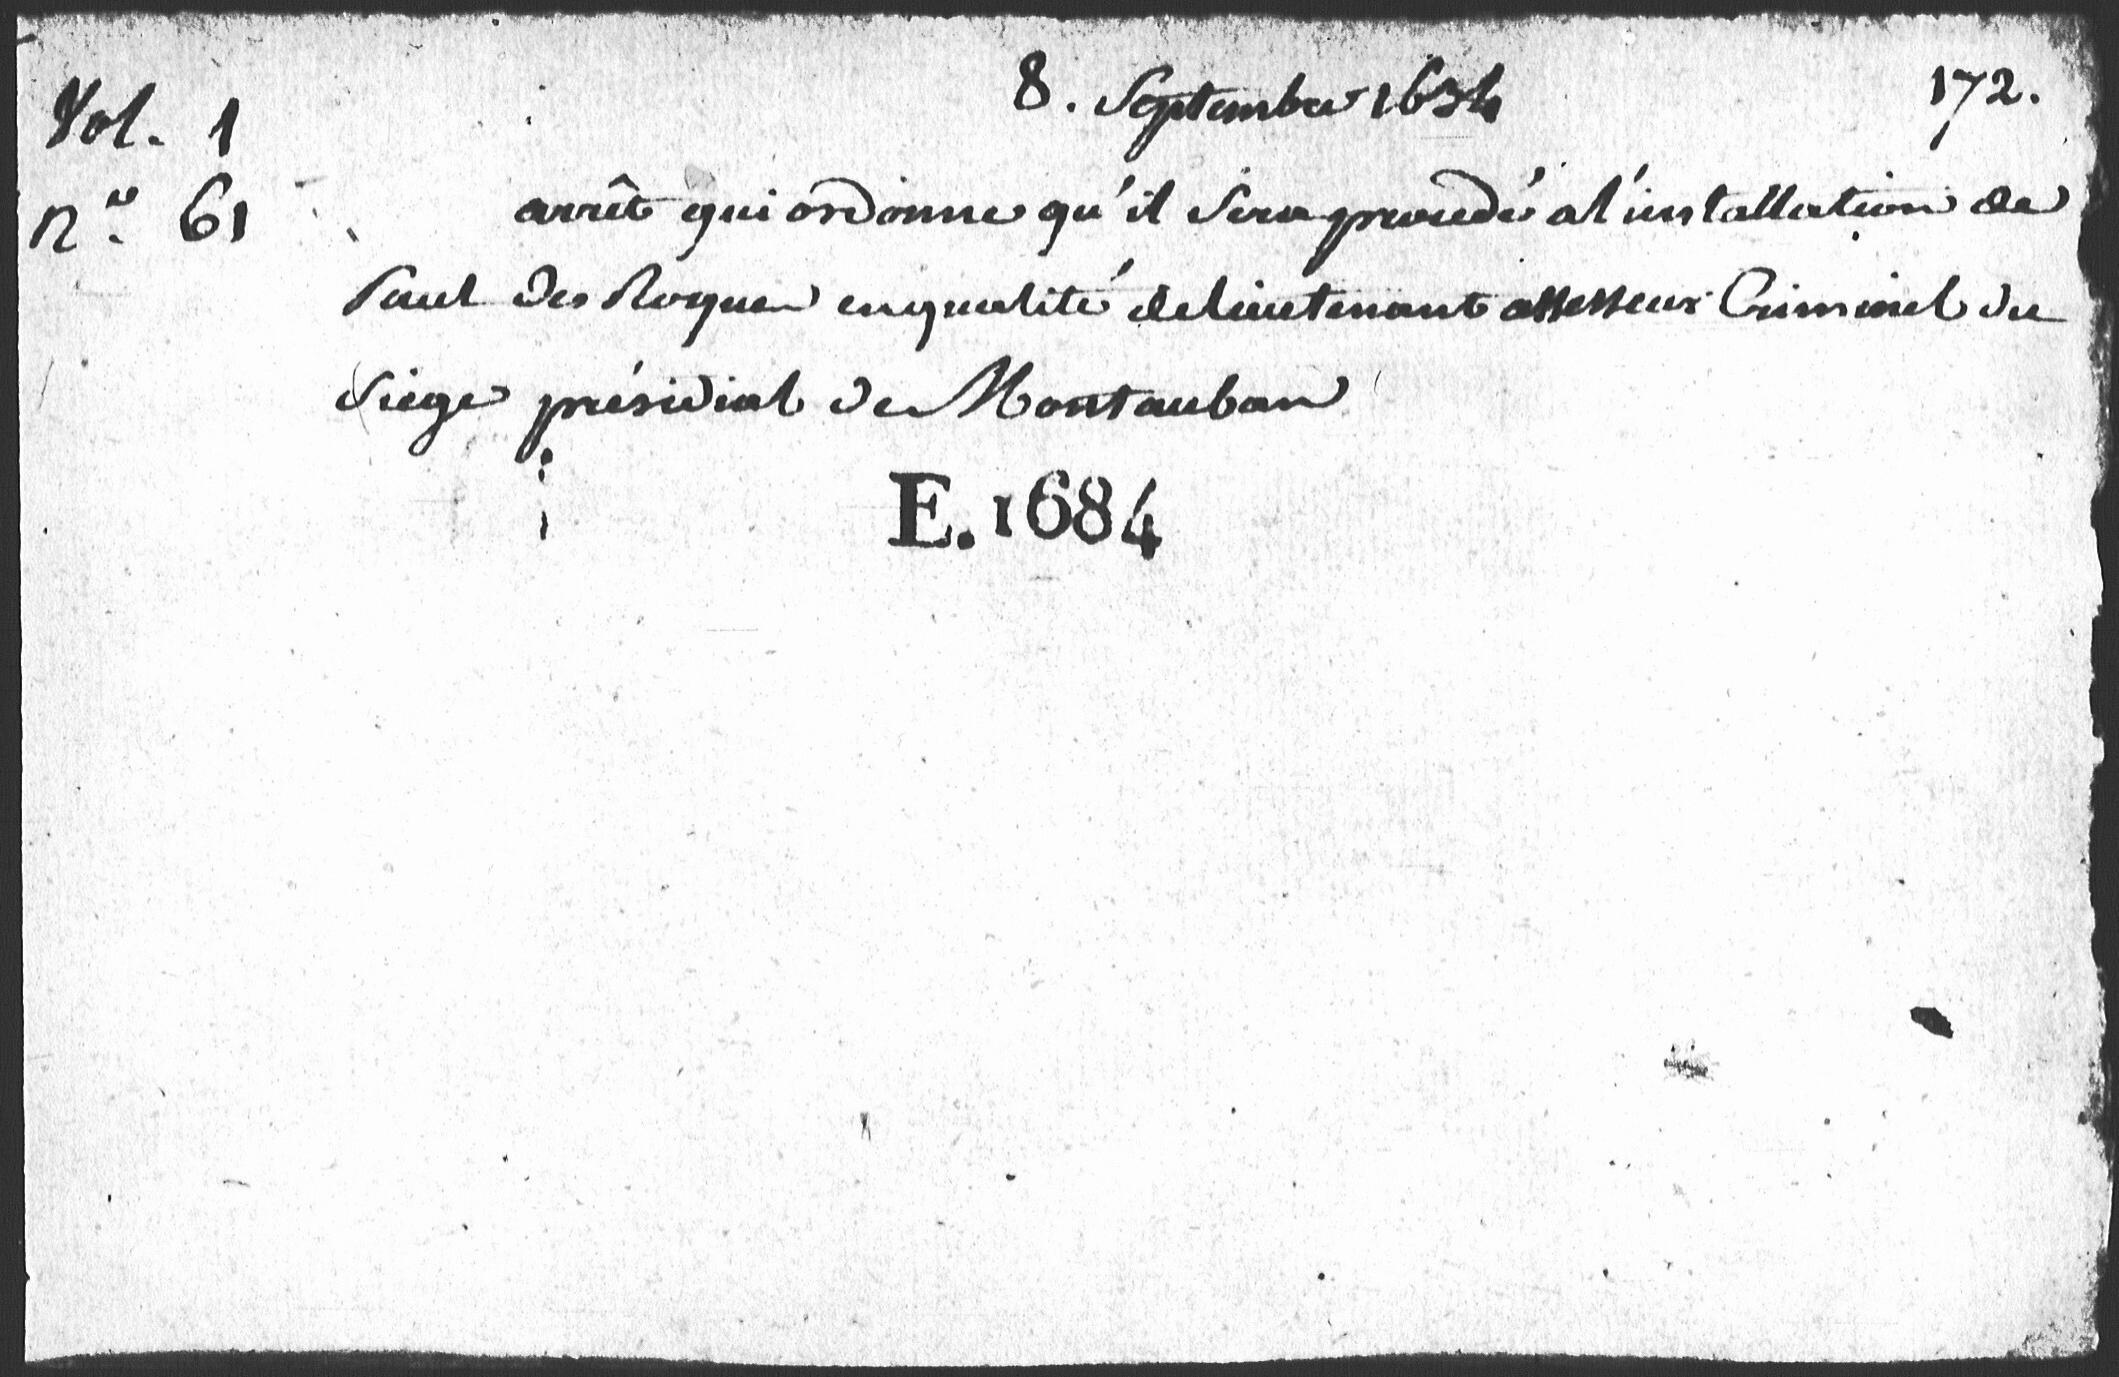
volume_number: n°61
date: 8 septembre 1634
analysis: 172
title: arrêt qui ordonne qu’il sera procedé a l’installation de Paul des Roques en qualité de lieutenant assesseur criminel du siege présidial de Montauban
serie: E
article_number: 1684
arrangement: vol. 1
